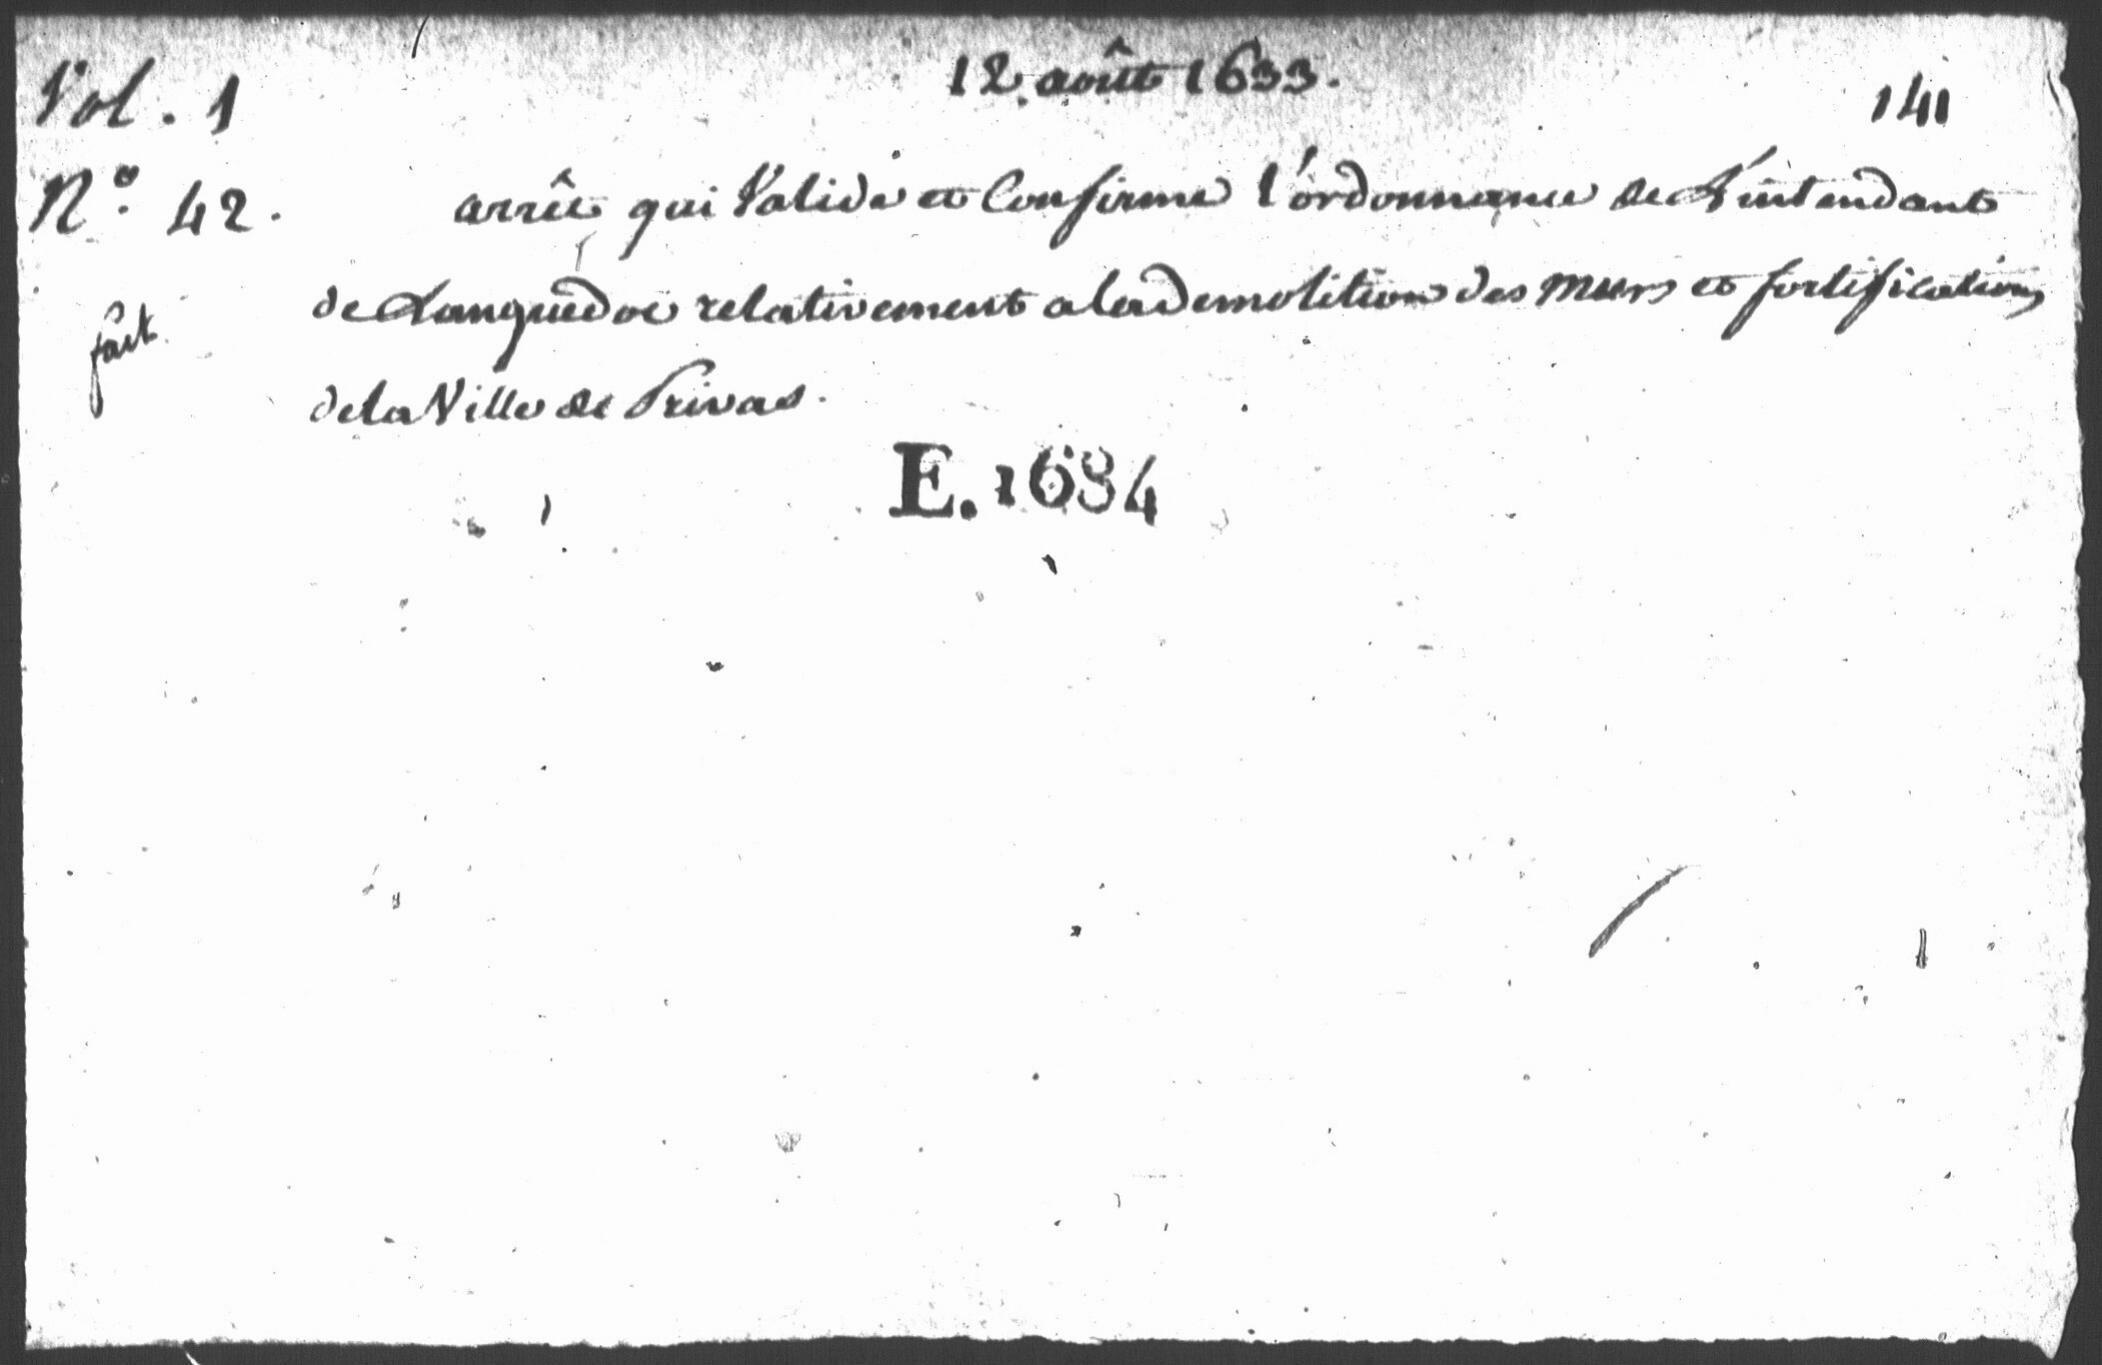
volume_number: n°42
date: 12 août 1633
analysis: fait 141
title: arrêt qui valide et confirme l'ordonnance de l'intendant de Languedoc relativement a la demolition des murs et fortifications de la Ville de Privas
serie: E
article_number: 1684
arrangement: vol. 1
